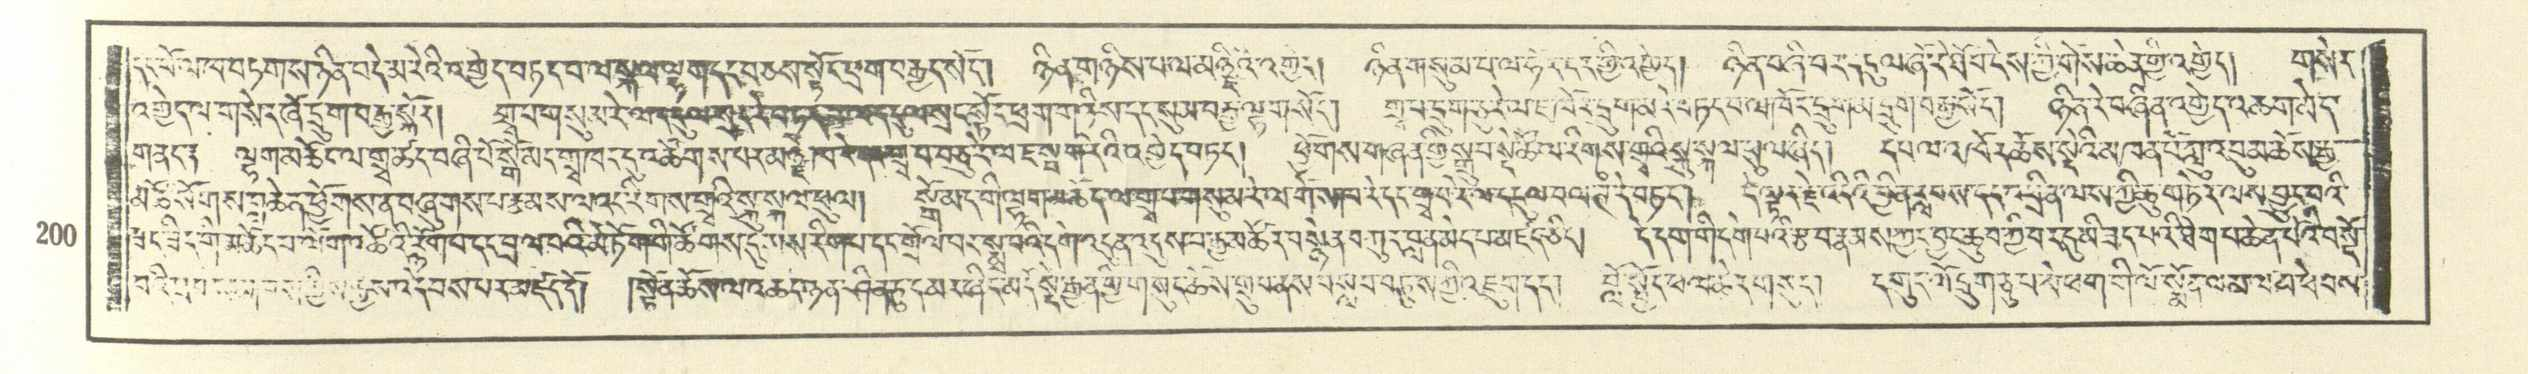དང་པོ་ལ་ཁ་བཏགས་ཉིན་བདེ་མ་རེའི་འགྱེད་བཏང་བ་ལ་སྐལ་ལྷག་དང་བཅས་སྟོང་ཕྲག་བརྒྱད་སོང་། ཉིན་གཉིས་པ་ལ་མཉྫིའི་འགྱེད། ཉིན་གསུམ་པ་ལ་ཧོར་ངར་གྱི་འགྱེད། ཉིན་བཞི་བར་དངུལ་ཞོ་རེ་ཐོབ་ངེས་ཀྱི་གོས་ཆེན་གྱི་འགྱེད། གསེར་
འགྱེད་ལ་གསེར་ཞོ་དྲུག་བརྒྱ་སྐོར། གྲྭ་པ་གསུམ་རེ་ལ་དངུལ་སྲང་རེ་བཏད་པ་ལ་དངུལ་སྲང་སྟོང་ཕྲག་གཉིས་དང་སུམ་བརྒྱ་ལྷག་སོད། གྲྭ་པ་དྲུག་ཅུ་རེ་ལ་ཇ་ཁོར་དྲུག་མ་རེ་བཏང་བ་ལ་ཁོར་དྲུག་མ་དྲུག་བརྒྱ་སོང་། ཉིན་རེ་བཞིན་འགྱེད་འཆག་མེད་
གནང༑ ལྷག་མཆོད་ལ་གྲྭ་ཚད་བཞི་པོ་སྒོ་མང་གྲྭ་ཁང་དུ་འཚོགས་པར་མཉྫེ་ཁ་རེ་དང་གྲྭ་བ་བཅུ་རེ་ལ་ཇ་སྦ་ག་རེའི་འགྱེད་བཏང་། ཕྱོགས་གཞན་གྱི་སྒྲུབ་སྡེ་ཚོ་ལ་རིགས་གྲྭའི་སྐུ་སྐལ་ཕུལ་ཞིང་། དཔལ་འཁོར་ཆོས་སྡེའི་མཁན་པོ་ཀླུ་འབུམ་ཆོས་རྒྱ་
མཚོ་སོགས་བླ་ཆེན་ཕྱོགས་ན་བཞུགས་པ་རྣམས་ལའང་རིགས་གྲྭའི་སྐུ་སྐལ་ཕུལ། སྒོ་མང་གི་ལྷག་མཆོད་ལ་གྲྭ་པ་གསུམ་རེ་ལ་གོས་ཁ་རེ་དང་གྲྭ་པ་རེ་ལ་དངུལ་བལ་ཊཾ་དེ་བཏང་། དེ་ལྟར་རྗེ་འདིའི་བྱིན་རླབས་དང་འཕྲིན་ལས་ཀྱི་ཆུ་གཏེར་ལས་བྱུང་བའི་
ཟང་ཟིང་གི་མཆོད་པ་ལོག་འཚོའི་རྙོག་པ་དང་བྲལ་བའི་མེ་ཏོག་གི་ཚོགས་དུ་མས་རིག་པ་དང་གྲོལ་བར་སྨྲ་བའི་དགེ་འདུན་འདུས་པ་རྒྱ་མཚོར་བསྙེན་བཀུར་བླ་ན་མེད་པ་མཛད་ཅིང་། དེ་དག་གི་དགེ་བའི་རྩ་བ་རྣམས་ཀྱང་བྱང་ཆུབ་ཀྱི་བར་དུ་མི་ཟད་པའི་ཐེག་པ་ཆེན་པོའི་བསྡོ་
བའི་ཐབས་མཁས་ཀྱིས་རྒྱས་འདེབས་པར་མཛད་དོ། །སྟོན་ཆོས་ལ་འཆང་ཉན་ཤིན་ཏུ་དམར་ཞིང་མདོ་སྡེ་རྒྱན་གྱི་གསུང་ཆོས་གྲུབ་ནས་བསླབ་བཏུས་ཀྱི་འཇུག་དང་། བློ་སྤྱོད་ཕལ་ཆེར་གསུང་། དགུང་ལོ་དྲུག་ཅུ་པ་མེ་ཕག་གི་ལོ་སྨོན་ལམ་ལམ་ཕེབས་